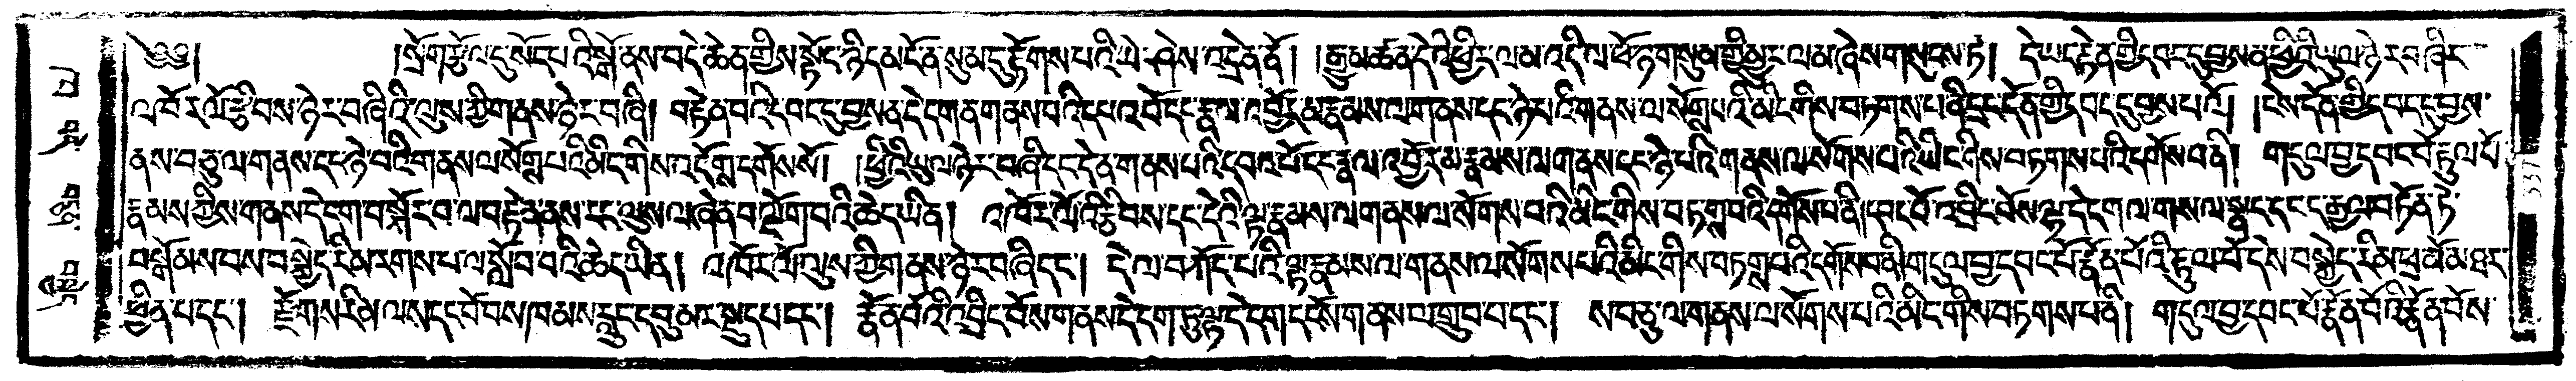༄༅། །སྲོག་རྩོལ་དུ་སོང་པའི་སྒོ་ནས་བདེ་ཆེན་གྱིས་སྟོང་ཉིད་མངོན་སུམ་དུ་རྟོགས་པའི་ཡེ་ཤེས་འདྲེན་ནོ། །རྒྱུ་མཚན་དེའི་ཕྱིར་ལམ་འདི་ལ་ཕོ་ཉ་གསུམ་གྱི་མྱུར་ལམ་ཞེས་གསུངས་ཏེ། དེ་ཡང་རྟེན་གྱི་དབང་དུ་བྱས་ན་ཕྱིའི་ཡུལ་ཉེར་བཞིར་
འཁོར་ལོ་རྩིབས་ཉེར་བཞིའི་ལུས་ཀྱི་གནས་ཉེར་བཞི། བརྟེན་པའི་དབང་དུ་བྱས་ན་དེ་དག་ན་གནས་པའི་དཔའ་བོ་དང་རྣལ་འབྱོར་མ་རྣམས་ལ་གནས་དང་ཉེ་པའི་གནས་ལ་སོགས་པའི་མིང་གིས་བཏགས་པ་ནི་དྲང་དོན་གྱི་དབང་དུ་བྱས་པའོ། །ངེས་དོན་གྱི་དབང་དུ་བྱས་
ནས་བཅུ་ལ་གནས་དང་ཉེ་བའི་གནས་ལ་སོགས་པའི་མིང་གིས་འདོགས་དགོས་སོ། །ཕྱིའི་ཡུལ་ཉེར་བཞི་དང་དེ་ན་གནས་པའི་དཔའ་པོ་དང་རྣལ་འབྱོར་མ་རྣམས་ལ་གནས་དང་ཉེ་པའི་གནས་ལ་སོགས་པའི་མིང་གིས་བཏགས་པའི་དགོས་པ་ནི། གདུལ་བྱ་དབང་པོ་རྟུལ་པོ་
རྣམས་ཀྱིས་གནས་དེ་དག་བསྐོར་བ་ལ་བརྟེན་ནས་རང་ལུས་ལ་ཞེན་པ་ལྡོག་པའི་ཆེད་ཡིན། འཁོར་ལོའི་རྩིབས་དང་དེའི་ལྟ་རྣམས་ལ་གནས་ལ་སོགས་པའི་མིང་གིས་བཏགས་པའི་དགོས་པ་ནི། དབང་པོ་འབྲིང་པོས་ལྷ་དེ་དག་ལ་གསལ་སྣང་དང་ང་རྒྱལ་བཏོན་ཏེ་
བསྒོམས་པས་བསྐྱེད་རིམ་རགས་པ་ལ་སློབ་པའི་ཆེད་ཡིན། འཁོར་ལོ་ལུས་ཀྱི་གནས་ཉེར་བཞི་དང་། དེ་ལ་བཀོད་པའི་ལྷ་རྣམས་ལ་གནས་ལ་སོགས་པའི་མིང་གིས་བཏགས་པའི་དགོས་པ་ནི། གདུལ་བྱ་དབང་པོ་རྣོན་པོའི་རྟུལ་པོ་དེས་བསྐྱེད་རིམ་ཕྲ་མོ་མཐར་
ཕྱིན་པ་དང་། རྫོགས་རིམ་ལས་དང་པོ་བས་ཁམས་རླུང་དབུ་མར་སྡུད་པ་དང་། རྣོན་པོའི་འབྲིང་པོས་གནས་དེ་དག་ཏུ་ལྷ་དེ་དག་དངོས་གནས་ལ་གྲུབ་པ་དང་། ས་བཅུ་ལ་གནས་ལ་སོགས་པའི་མིང་གིས་བཏགས་པ་ནི། གདུལ་བྱ་དབང་པོ་རྣོན་པོའི་རྣོན་པོས་